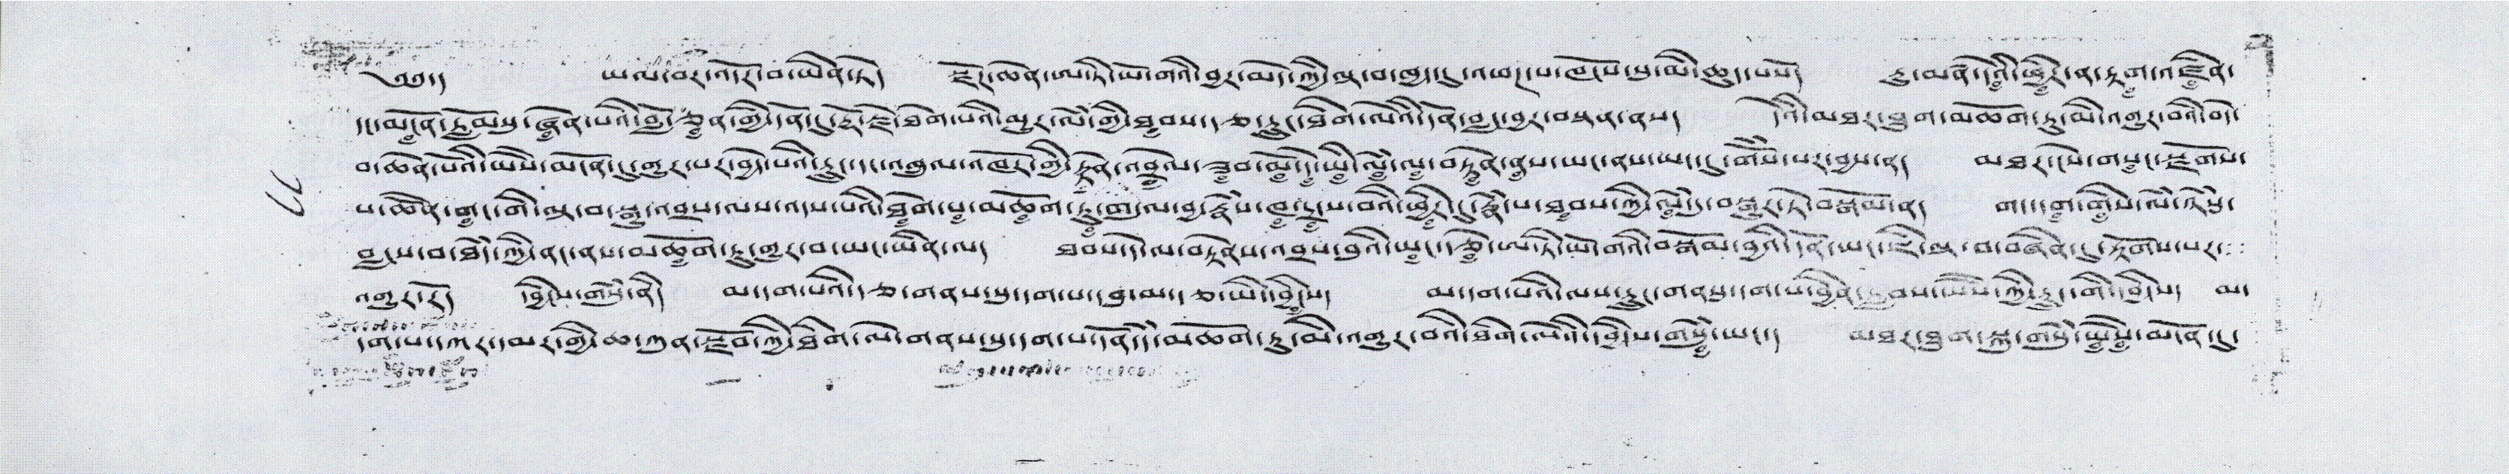ཡལ་བར་འདོར་བ་ཡིན་ཏེ། རྫོགས་ཆེན་ཨ་ཏི་ཡོ་གའི་བྱར་མེད་ཀྱི་ལྟ་བ་ཁྱད་དུ་འཕགས་པ་ཁོངས་སུ་མི་ཆུད་པས་སོ། རྒྱུ་མཚན་དེའི་ཕྱིར་ན་རྟག་འཛིན་
དང་མངོན་རློམ་ཞེན་པའི་བློ་ཅན་གྱི་དོན་དུ་རྡོ་རྗེ་ཐེག་པའི་མྱུར་ལམ་གྱི་ཐབས་རྩ་རླུང་ཐིག་ལེའི་དོན་བླང་བྱར་བསྟན་ནས་དེའི་མཐར་ཐུག་མཆོག་ཏུ་མི་འགྱུར་བའི་བདེ་
བ་ཆེན་པོའི་ཡེ་ཤེས་མངོན་དུ་གྱུར་པར་བྱེད་པའི་རླུང་དང་འཁྲུལ་འཁོར་གྱི་རྟེན་འབྲེལ་ཟབ་མོ་དེ་ཡི་ལམ་ལ་བརྟེན་ནས་ཡང་ནས་ཡང་དུ་གོམས་པར་བྱས་ན། མཐར་ངེས་གསང་རྫོགས་
པ་ཆེན་པོ་གང་གི་ལྟ་བ་རྒྱུ་འབྲས་ལས་འདས་པའི་ཐེག་པ་མཆོག་ཏུ་གདུལ་བྱ་རྣམས་ཁ་དྲང་བའི་ཕྱིར་རྣམ་པ་ཐབས་ཀྱི་ལམ་དུ་བསྒྱུར་ནས་བསྒོམ་ན། གང་དག་གིས་ལམ་ཉམས་སུ་
བླང་བ་ཐམས་ཅད་ཀྱི་ནང་ནས་མཆོག་ཏུ་གྱུར་པ་ཡང་ཡིན་ལ། ཐབས་དེ་ལ་བརྟེན་ནས་འབྲས་བུའི་ཡང་རྩེ་ཨ་ཏི་ཡོ་གའི་བསྒོམ་བྱའི་དོན་ཡང་ཇི་ལྟ་བ་བཞིན་དུ་རྟོགས་པར་
འགྱུར་རོ། །དབྱིངས་གསུམ་ནི། མ་དག་པ་རྩ་གནས་སུ་དག་པ་དབུ་མ་རྩ་ཡི་དབྱིངས། མ་དག་པའི་ལས་རླུང་གནས་སུ་དག་པ་བྱིན་རླབས་ཡེ་ཤེས་ཀྱི་རླུང་གི་དབྱིངས། མ་
དག་པ་དཀར་དམར་གྱི་ཆ་ཀུན་རྫོབ་ཀྱི་ཐིག་ལེ་གནས་སུ་དག་པ་དོན་དམ་མཆོག་ཏུ་མི་འགྱུར་བའི་ཐིག་ལེའི་དབྱིངས་གསུམ་ཡང་། མཐར་ཐུག་སྐུ་གསུམ་ཡེ་ཤེས་མངོན་དུ་